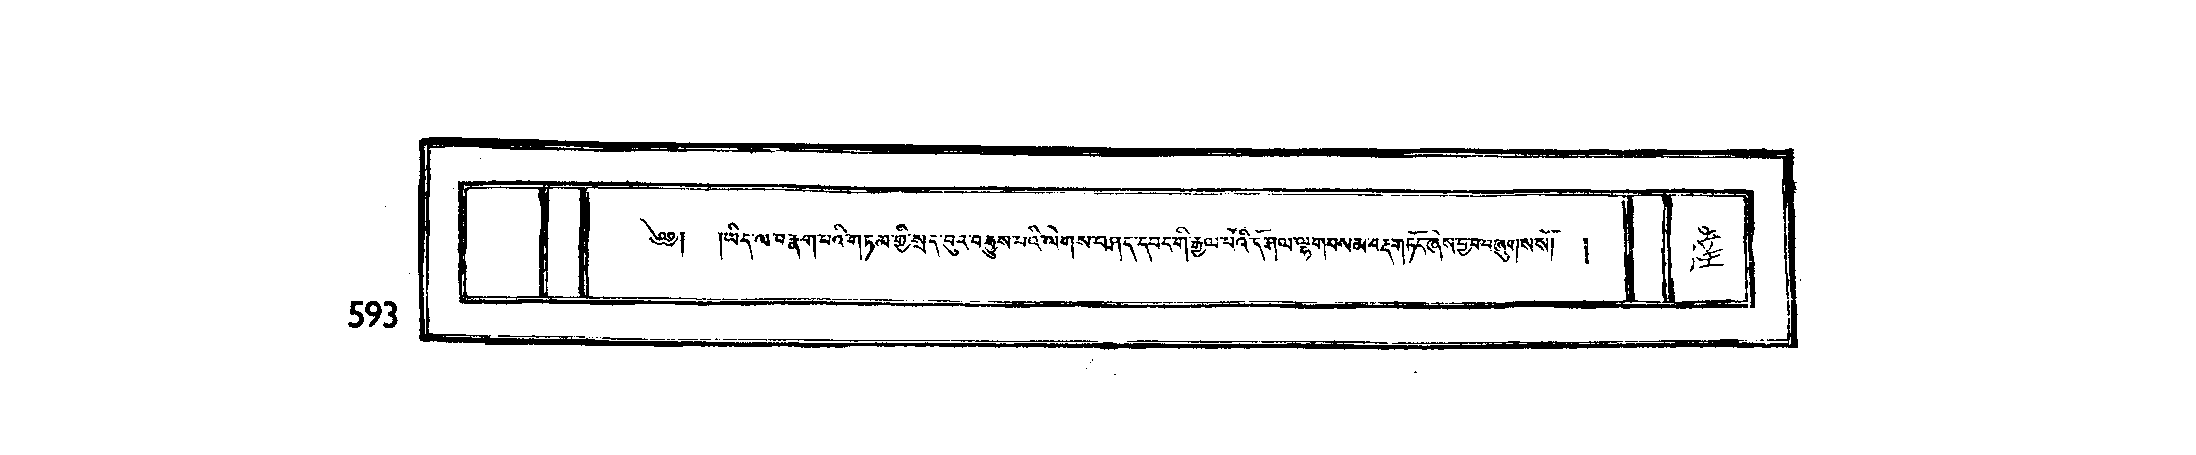༄༅། །ཡིད་ལ་བརྣག་པའི་གཏམ་གྱི་སྲད་བུར་བརྒྱུས་པའི་ལེགས་བཤད་དབང་གི་རྒྱལ་པོའི་དོ་ཤལ་ལྷག་བསམ་བརྡ་གཏོང་ཞེས་བྱ་བ་བཞུགས་སོ། །